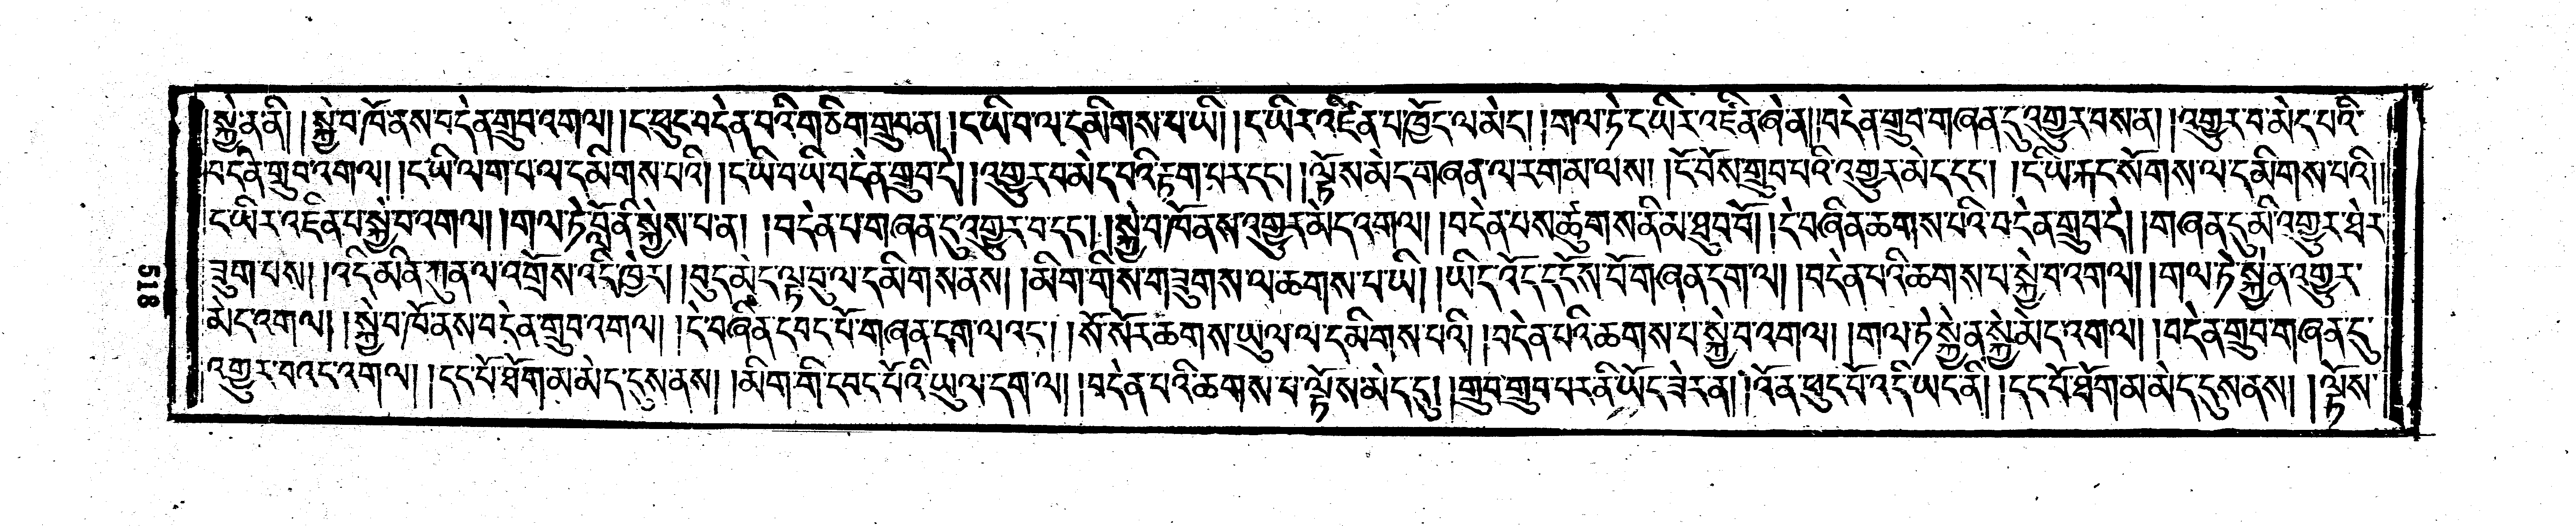སྐྱེ་ན་ནི། །སྐྱེ་བ་ཁོ་ནས་བདེན་གྲུབ་འགལ། །ང་ཕུང་བདེན་པའི་གཅིག་གྲུབ་ན། །ང་ཡི་བ་ལ་དམིགས་པ་ཡི། །ང་ཡིར་འཛིན་པ་ཁྱོད་ལ་མེད། །གལ་ཏེ་ང་ཡིར་འཛིན་ཞེ་ན། །བདེན་གྲུབ་གཞན་དུ་འགྱུར་བས་ན། །འགྱུར་བ་མེད་པའི་
བདེན་གྲུབ་འགལ། །ང་ཡི་ལག་པ་ལ་དམིགས་པའི། །ང་ཡི་བ་ཡི་བདེན་གྲུབ་དེ། །འགྱུར་བ་མེད་པའི་རྟག་པར་དང་། །ལྟོས་མེད་གཞན་ལ་རག་མ་ལས། །ངོ་བོས་གྲུབ་པའི་འགྱུར་མེད་དང་། ང་ཡི་རྐང་སོགས་ལ་དམིགས་པའི། །
ང་ཡིར་འཛིན་པ་སྐྱེ་བ་འགལ། །གལ་ཏེ་བློ་ནི་སྐྱེས་པ་ན། །བདེན་པ་གཞན་དུ་འགྱུར་བ་དང་། །སྐྱེ་བ་ཁོ་ནས་འགྱུར་མེད་འགལ། །བདེན་པས་ཚུགས་ནི་མ་ཐུབ་པོ། །དེ་བཞིན་ཆགས་པའི་བདེན་གྲུབ་དེ། །གཞན་དུ་མི་འགྱུར་ཐེར་
ཟུག་པས། །འདི་མིན་ཀུན་ལ་འགྲོས་འདི་ཁྱེར། །བུད་མེད་ལྟ་བུ་ལ་དམིགས་ནས། །མིག་གིས་གཟུགས་ལ་ཆགས་པ་ཡི། །ཡིད་འོང་དངོས་པོ་གཞན་དག་ལ། །བདེན་པའི་ཆགས་པ་སྐྱེ་བ་འགལ། །གལ་ཏེ་སྐྱེ་ན་འགྱུར་
མེད་འགལ། །སྐྱེ་བ་ཁོ་ནས་བདེན་གྲུབ་འགལ། །དེ་བཞིན་དབང་པོ་གཞན་དག་ལའང་། །སོ་སོར་ཆགས་ཡུལ་ལ་དམིགས་པའི། །བདེན་པའི་ཆགས་པ་སྐྱེ་བ་འགལ། །གལ་ཏེ་སྐྱེ་ན་སྐྱེ་མེད་འགལ། །བདེན་གྲུབ་གཞན་དུ་
འགྱུར་བའང་འགལ། །དང་པོ་ཐོག་མ་མེད་དུས་ནས། །མིག་གི་དབང་པོའི་ཡུལ་དག་ལ། །བདེན་པའི་ཆགས་ལ་ལྟོས་མེད་དུ། །གྲུབ་གྲུབ་པར་ནི་ཡོད་ཟེར་ན། །འོ་ན་ཕུང་པོ་འདི་ཡང་ནི། དང་པོ་ཐོག་མ་མེད་དུས་ནས། །ལྟོས་